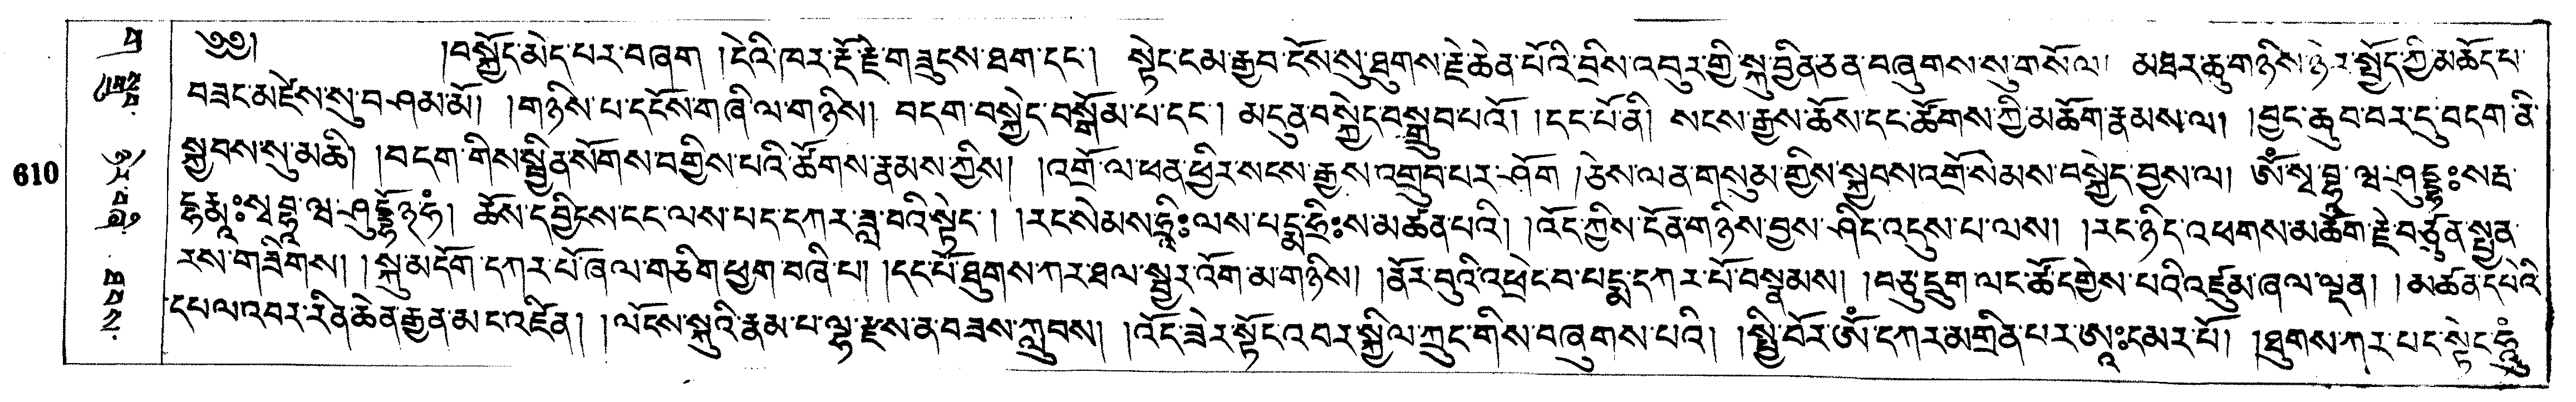༄༅། །བསྐྱོད་མེད་པར་བཞག །དེའི་ཁར་རྡོ་རྗེ་གཟུངས་ཐག་དང་། སྟེང་ངམ་རྒྱབ་ངོས་སུ་ཐུགས་རྗེ་ཆེན་པོའི་བྲིས་འབུར་གྱི་སྐུ་བྱིན་ཅན་བཞུགས་སུ་གསོལ། མཐར་ཆུ་གཉིས་ཉེར་སྤྱོད་ཀྱི་མཆོད་པ་
བཟང་མཛེས་སུ་བཤམ་མོ། །གཉིས་པ་དངོས་གཞི་ལ་གཉིས། བདག་བསྐྱེད་བསྒོམ་པ་དང་། མདུན་བསྐྱེད་བསྒྲུབ་པའོ། །དང་པོ་ནི། སངས་རྒྱས་ཆོས་དང་ཚོགས་ཀྱི་མཆོག་རྣམས་ལ། །བྱང་ཆུབ་བར་དུ་བདག་ནི་
སྐྱབས་སུ་མཆི། །བདག་གིས་སྦྱིན་སོགས་བགྱིས་པའི་ཚོགས་རྣམས་ཀྱིས། །འགྲོ་ལ་ཕན་ཕྱིར་སངས་རྒྱས་འགྲུབ་པར་ཤོག །ཅེས་ལན་གསུམ་གྱིས་སྐྱབས་འགྲོ་སེམས་བསྐྱེད་བྱས་ལ། ཨོཾ་སྭ་བྷ་ཤྡྷཿ ?་སརྦ་
དྷ་རྨཱཿ བྷཱ་ཝ་ཤུ་ངྦྷོཉ་ཧཾ། ཆོས་དབྱིངས་ངང་ལས་པད་དཀར་ཟླ་བའི་སྟེང་། །རང་སེམས་ཧྲཱིཿ ལས་པདམ་གྲིཿ ས་མཚན་པའི། །འོད་ཀྱིས་དོན་གཉིས་བྱས་ཤིང་འདུས་པ་ལས། །རང་ཉིད་འཕགས་མཆོག་རྗེ་བཙུན་སྤྱན་
རས་གཟིགས། །སྐུ་མདོག་དཀར་པོ་ཞལ་གཅིག་ཕྱག་བཞི་པ། །དང་པོ་ཐུགས་ཀར་ཐལ་སྦྱར་འོག་མ་གཉིས། །ནོར་བུའི་འཕྲེང་བ་པདམ་དཀར་པོ་བསྣམས། །བཅུ་དྲུག་ལང་ཚོ་དགྱེས་པའི་འཛུམ་ཞལ་ལྡན། །མཚན་དཔེའི་
དཔལ་འབར་རིན་ཆེན་རྒྱན་མང་འཛིན། །ལོངས་སྐུའི་རྣམ་པ་ལྷ་རྫས་ན་བཟས་ཀླུབས། །འོད་ཟེར་སྟོང་འབར་སྐྱིལ་ཀྲུང་གིས་བཞུགས་པའི། །སྤྱི་བོར་ཨོཾ་དཀར་མགྲིན་པར་ཨཱཿ དམར་པོ། །ཐུགས་ཀར་པད་སྟེང་ཧཱུཾ་